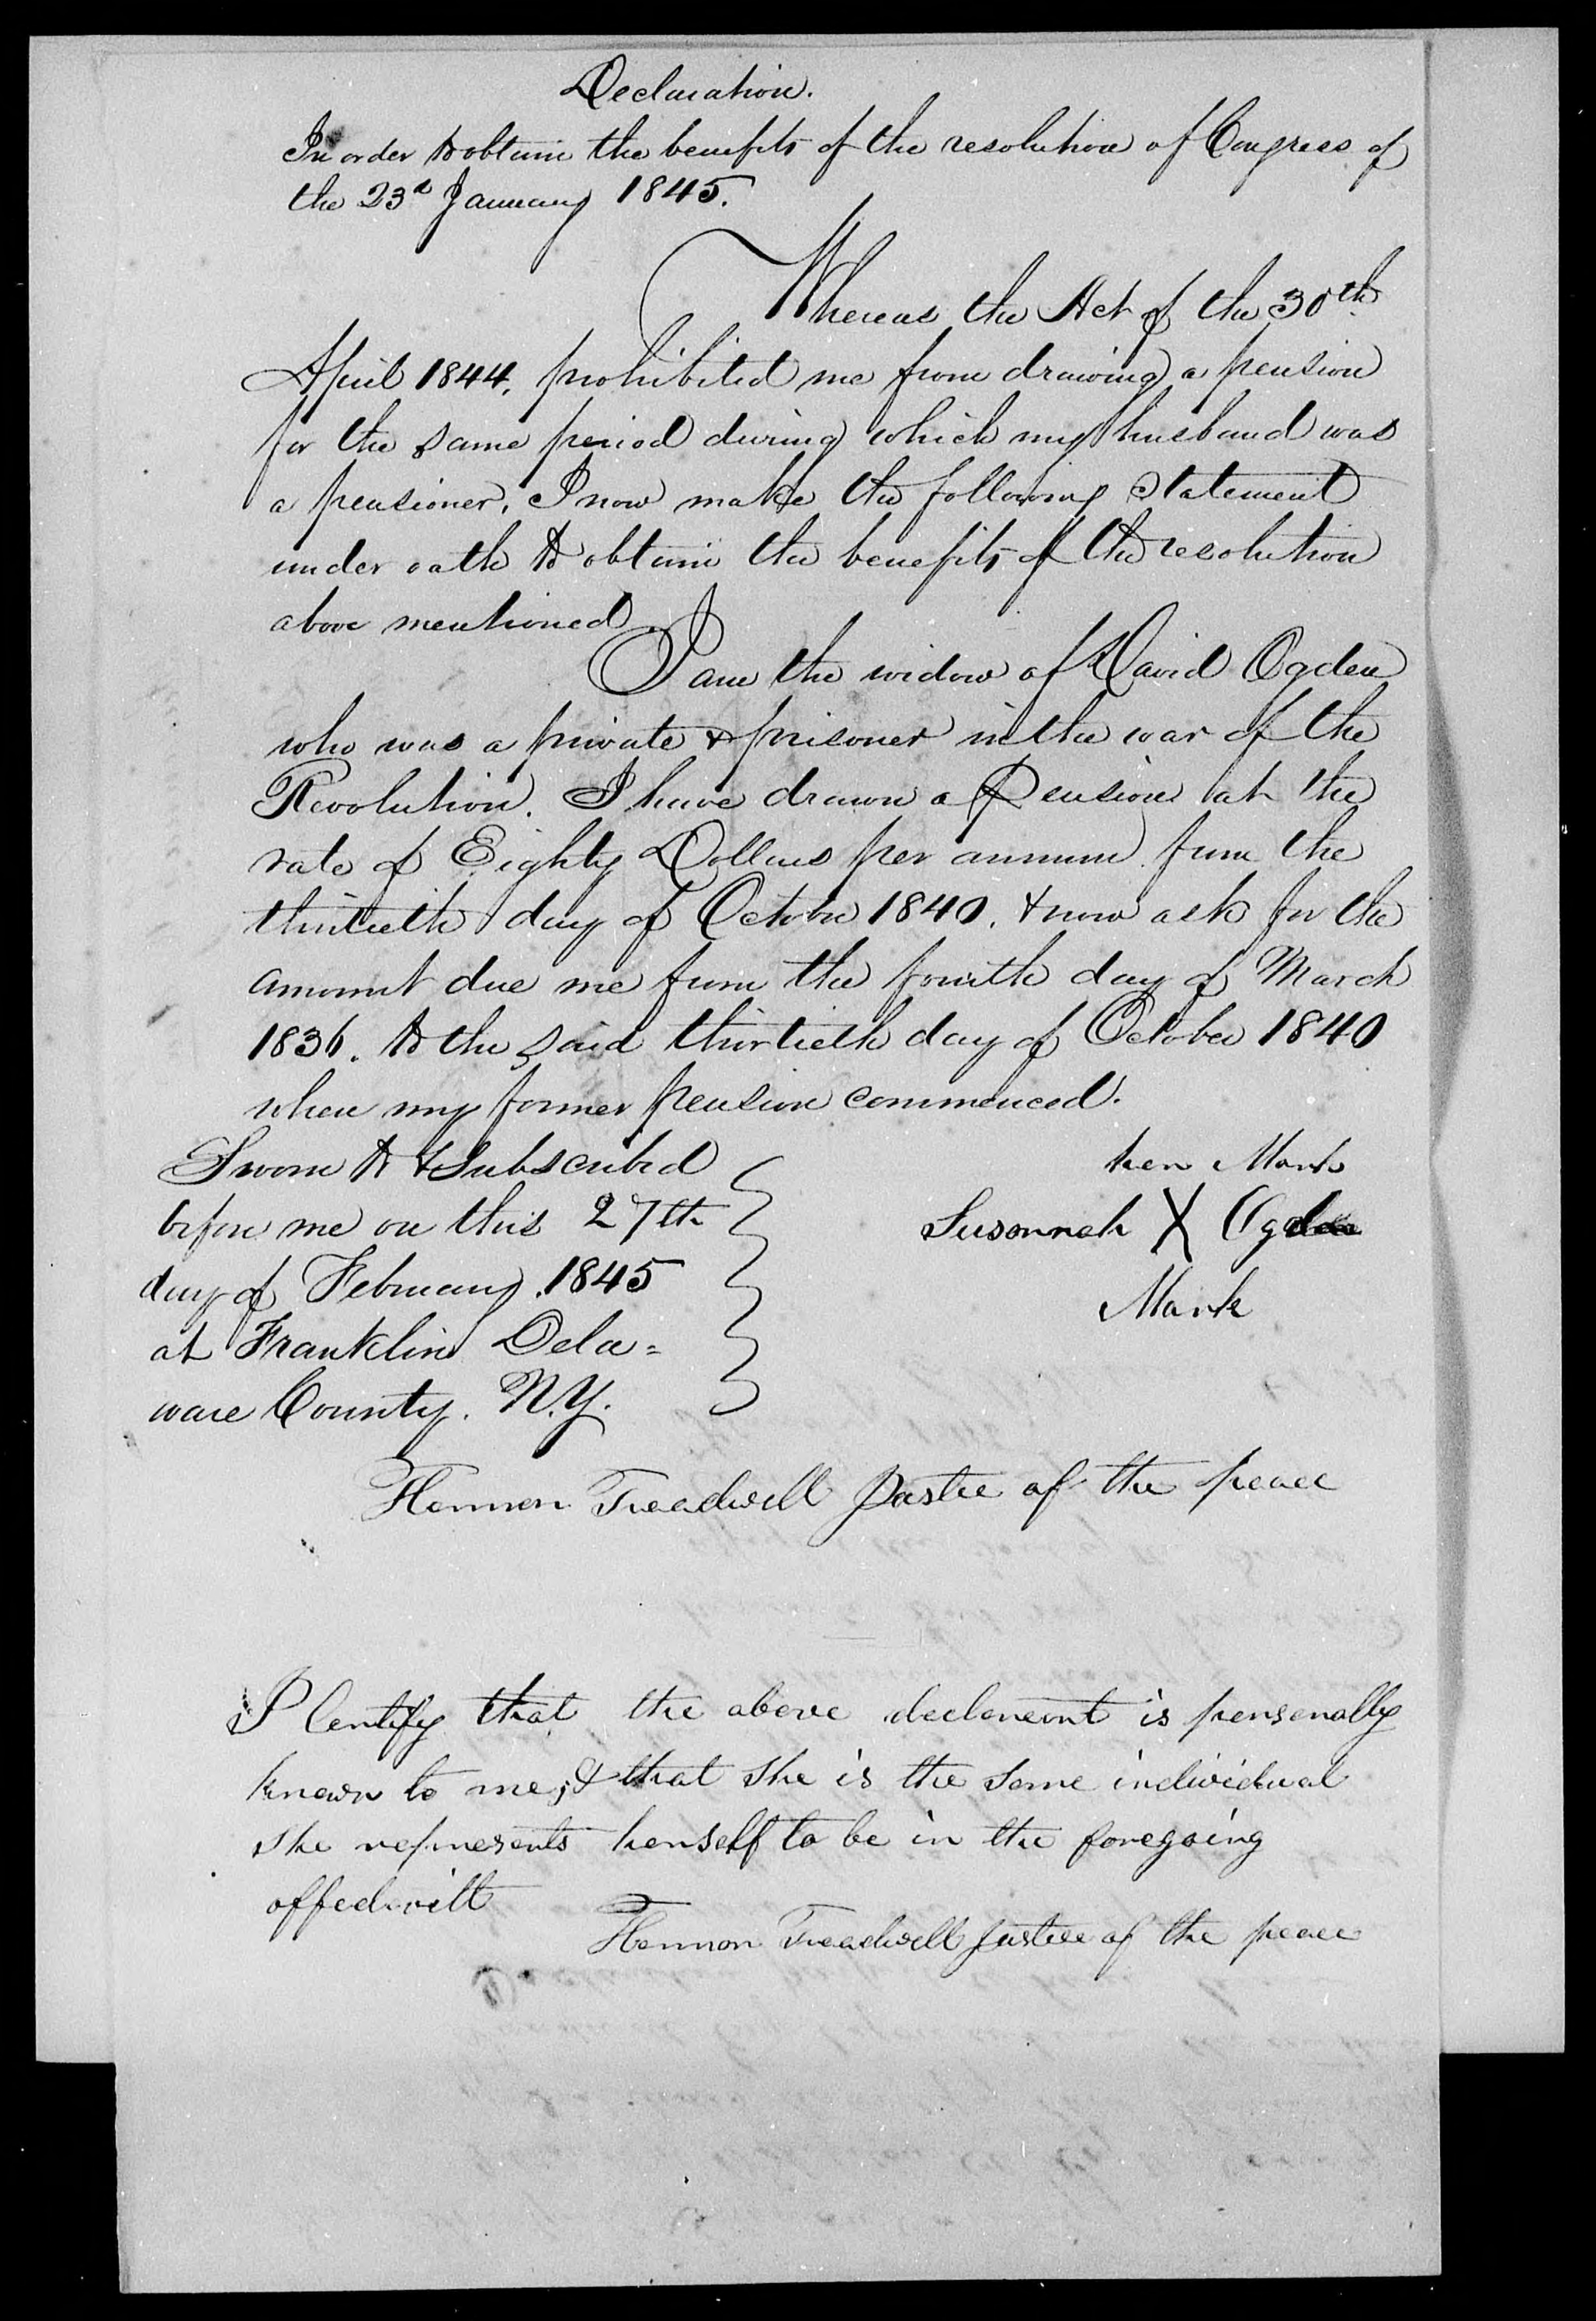Declaration
In order obtain the benefits of the resolution of Congress of
the 23d January 1845.

Whereas the Act of the 30th
April 1844, prohibited me from drawing a pension
for the same period during which my husband was a
pensioner, I now make the following statement
under oath to obtain the benefits of the revolution
above mentioned

I am the widow of David Ogden
who was a private & prisoner in the war of the
Revolution.  I have drawn a pension at the
rate of Eighty Dollars per annum from the
thirtieth day of October 1840, & now ask for the
amount due me from the fourth day of March 
1836, to the said thirtieth day of October 1840
when my former pension commenced.
Susannah Ogden her Mark [X] Mark

Sworn to & Subscribed}
before me on this 27th}
day of February 1845}
at Franklin Delaware}
County, N. Y.}
Hermon Treadwell Justice of the peace

I Certify that the above declarant is personally
known to me, & that she is the same individual
she represents herself to be in the foregoing
affidavit
Hermon Treadwell Justice of the peace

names: Herman Treadwell; Susannah Ogden; David Ogden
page: 34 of 40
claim: widow's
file: W. 24364, for David Ogden, New York